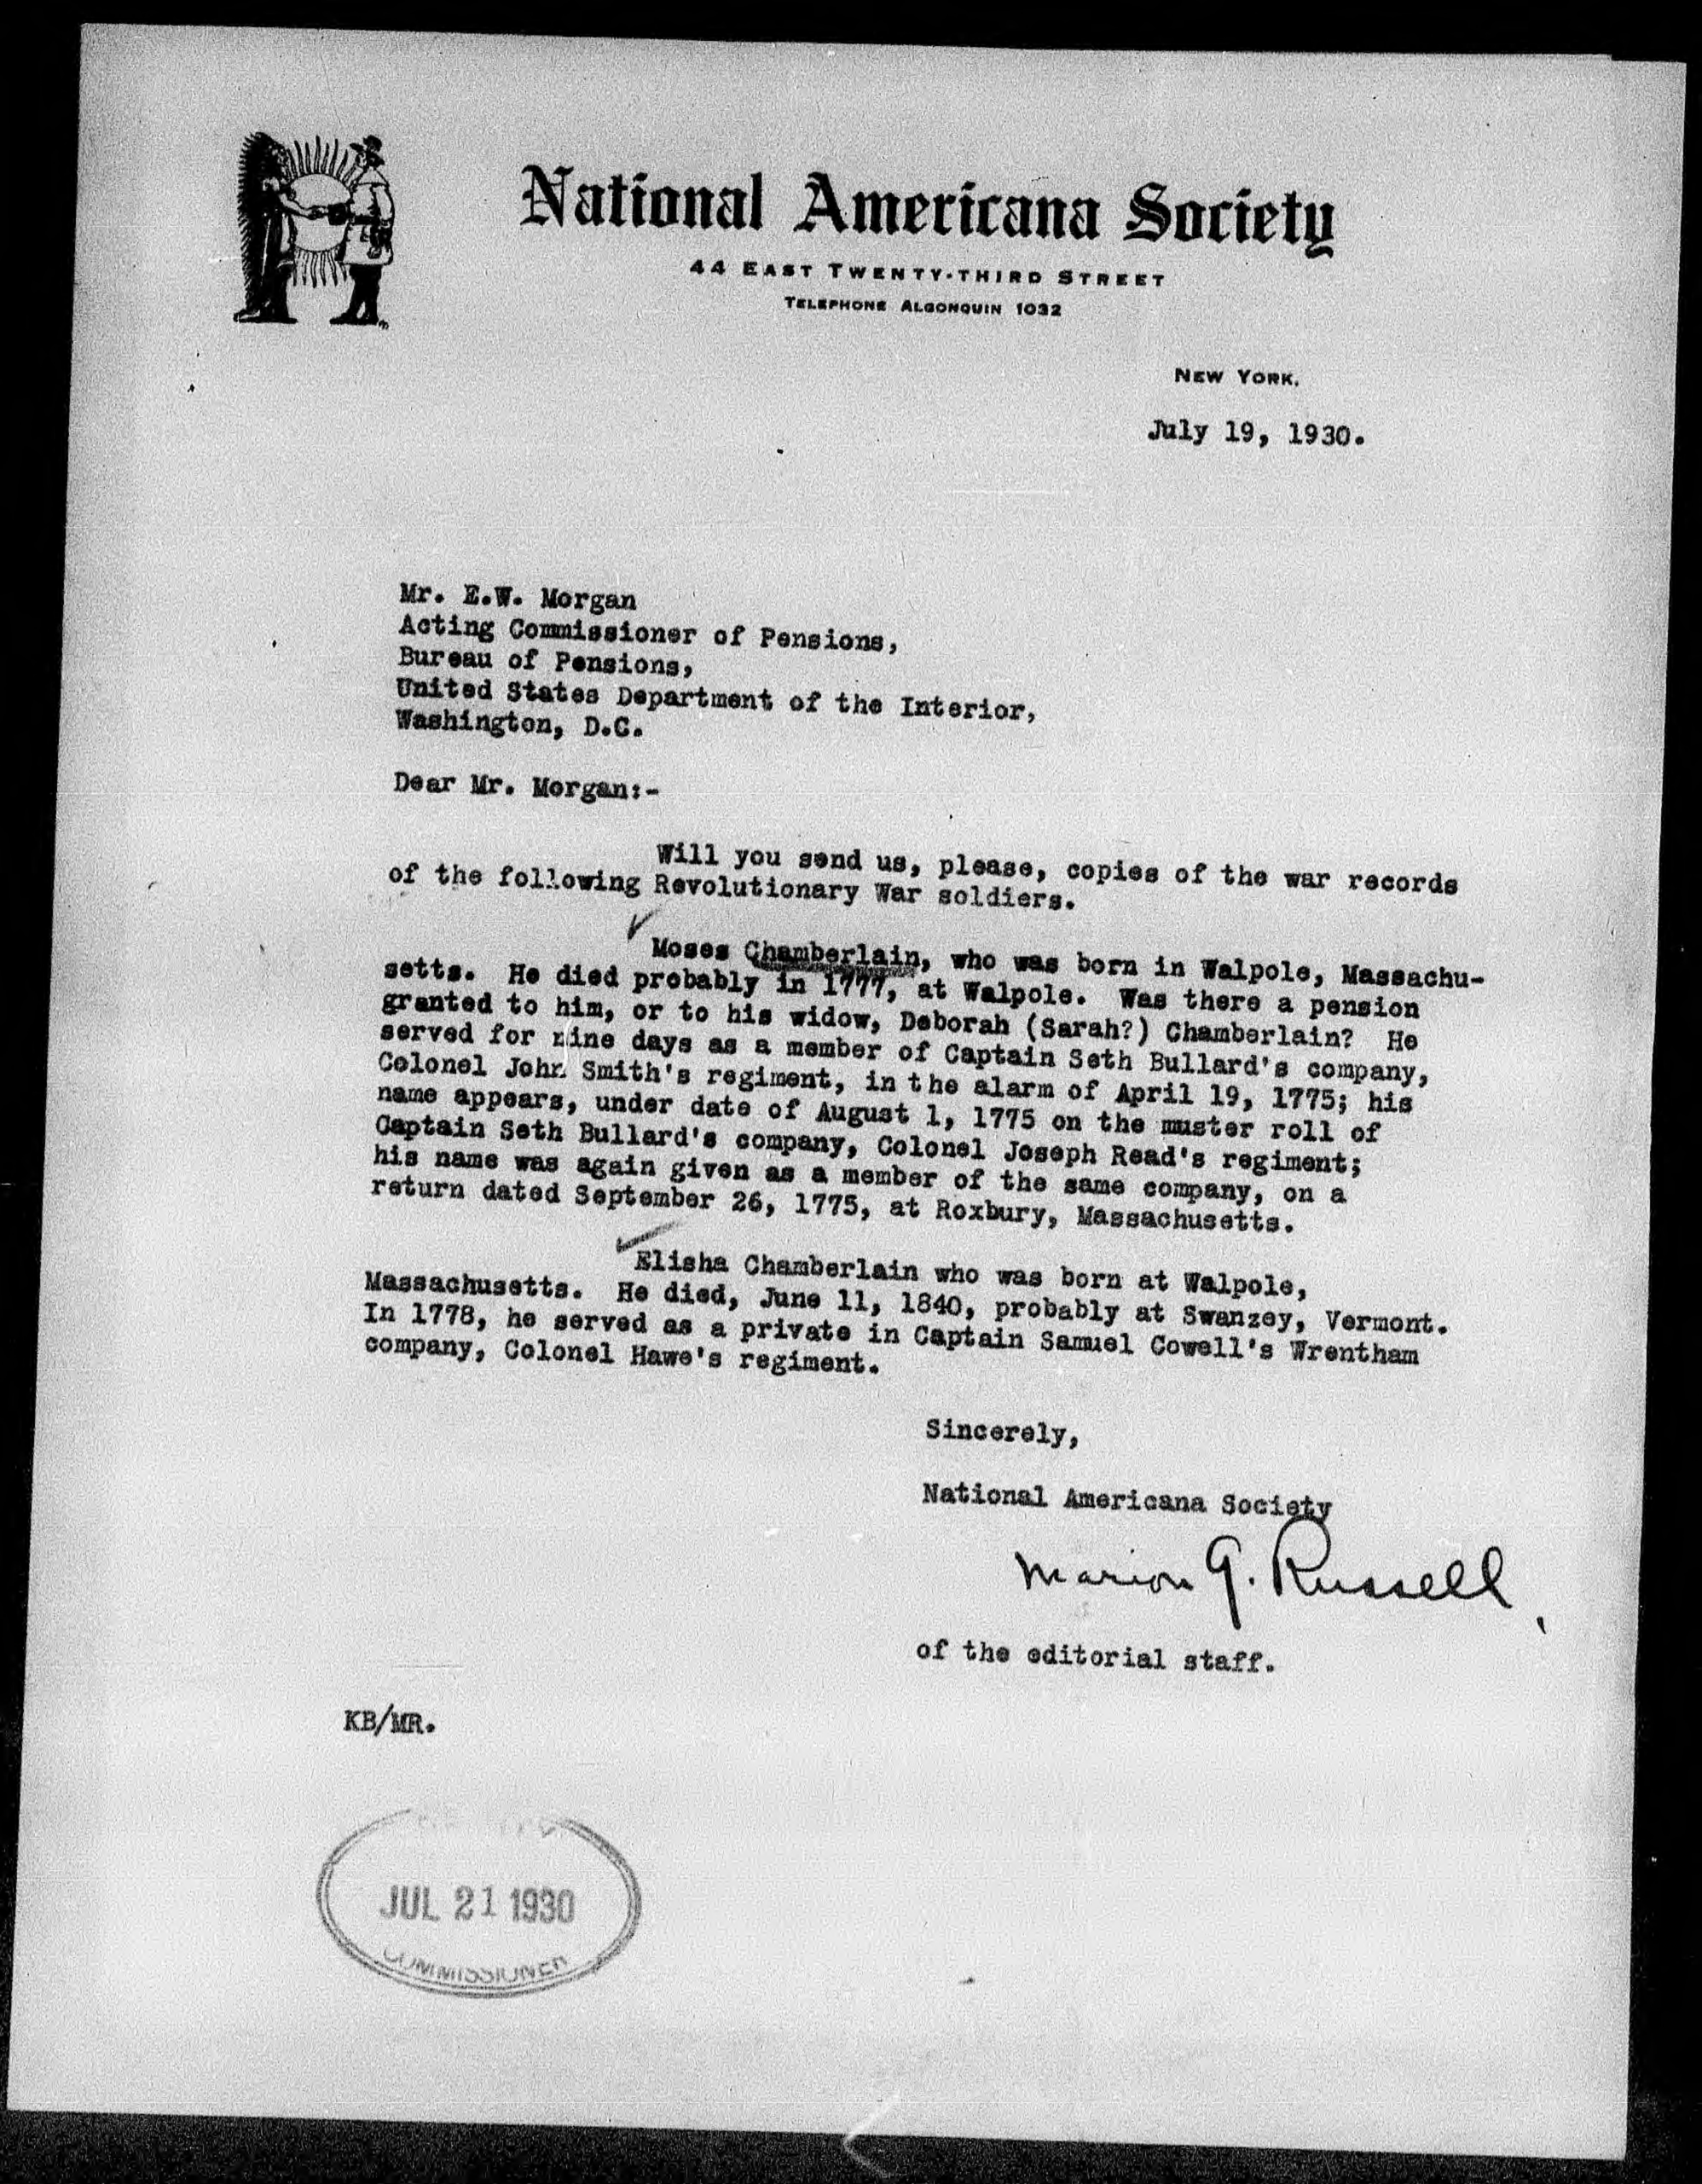[printed emblem in upper left corner of page--no wording]

National Americana Society
44 EAST TWENTY-THIRD STREET
TELEPHONE  ALGONQUIN 1032

NEW YORK.
July 19, 1930.

Mr. E.W. Morgan
Acting Commissioner of Pensions,
Bureau of Pensions,
United States Department of the Interior,
Washington, D.C.

Dear Mr. Morgan:-

Will you send us, please, copies of the war records of the following Revolutionary War soldiers.

[checkmark]  Moses Chamberlain, [last name underlined] who was born in Walpole, Massachusetts.  He died probably in 1777, at Walpole.  Was there a pension granted to him, or to his widow, Deborah (Sarah?) Chamberlain?  He served for nine days as a member of Captain Seth Bullard's company, Colonel John Smith's regiment, in the alarm of April 19, 1775; his name appears, under date of August 1, 1775 on the muster roll of Captain Seth Bullard's company, Colonel Joseph Read's regiment; his name was again given as a member of the same company, on a return dated September 26, 1775, at Roxbury, Massachusetts.

[checkmark]  Elisha Chamberlain who was born at Walpole, Massachusetts.  He died, June 11, 1840, probably at Swanzey, Vermont.  In 1778, he served as a private in Captain Samuel Cowell's Wrentham company, Colonel Hawe's regiment.

Sincerely,
National Americana Society
Marion G. Russell.
of the editorial staff.

KB/MR.

[stamp affixed at bottom of page]
PENSION
JUL 21 1930
COMMISSIONER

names: Morgan, Marion G Russell, Sarah Chamberlain, Deborah Chamberlain, Moses Chamberlain, Elisha Chamberlain, E W Morgan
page: 22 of 24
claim: rejected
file: R. 1835, Elisha Chamberlain, Mass.